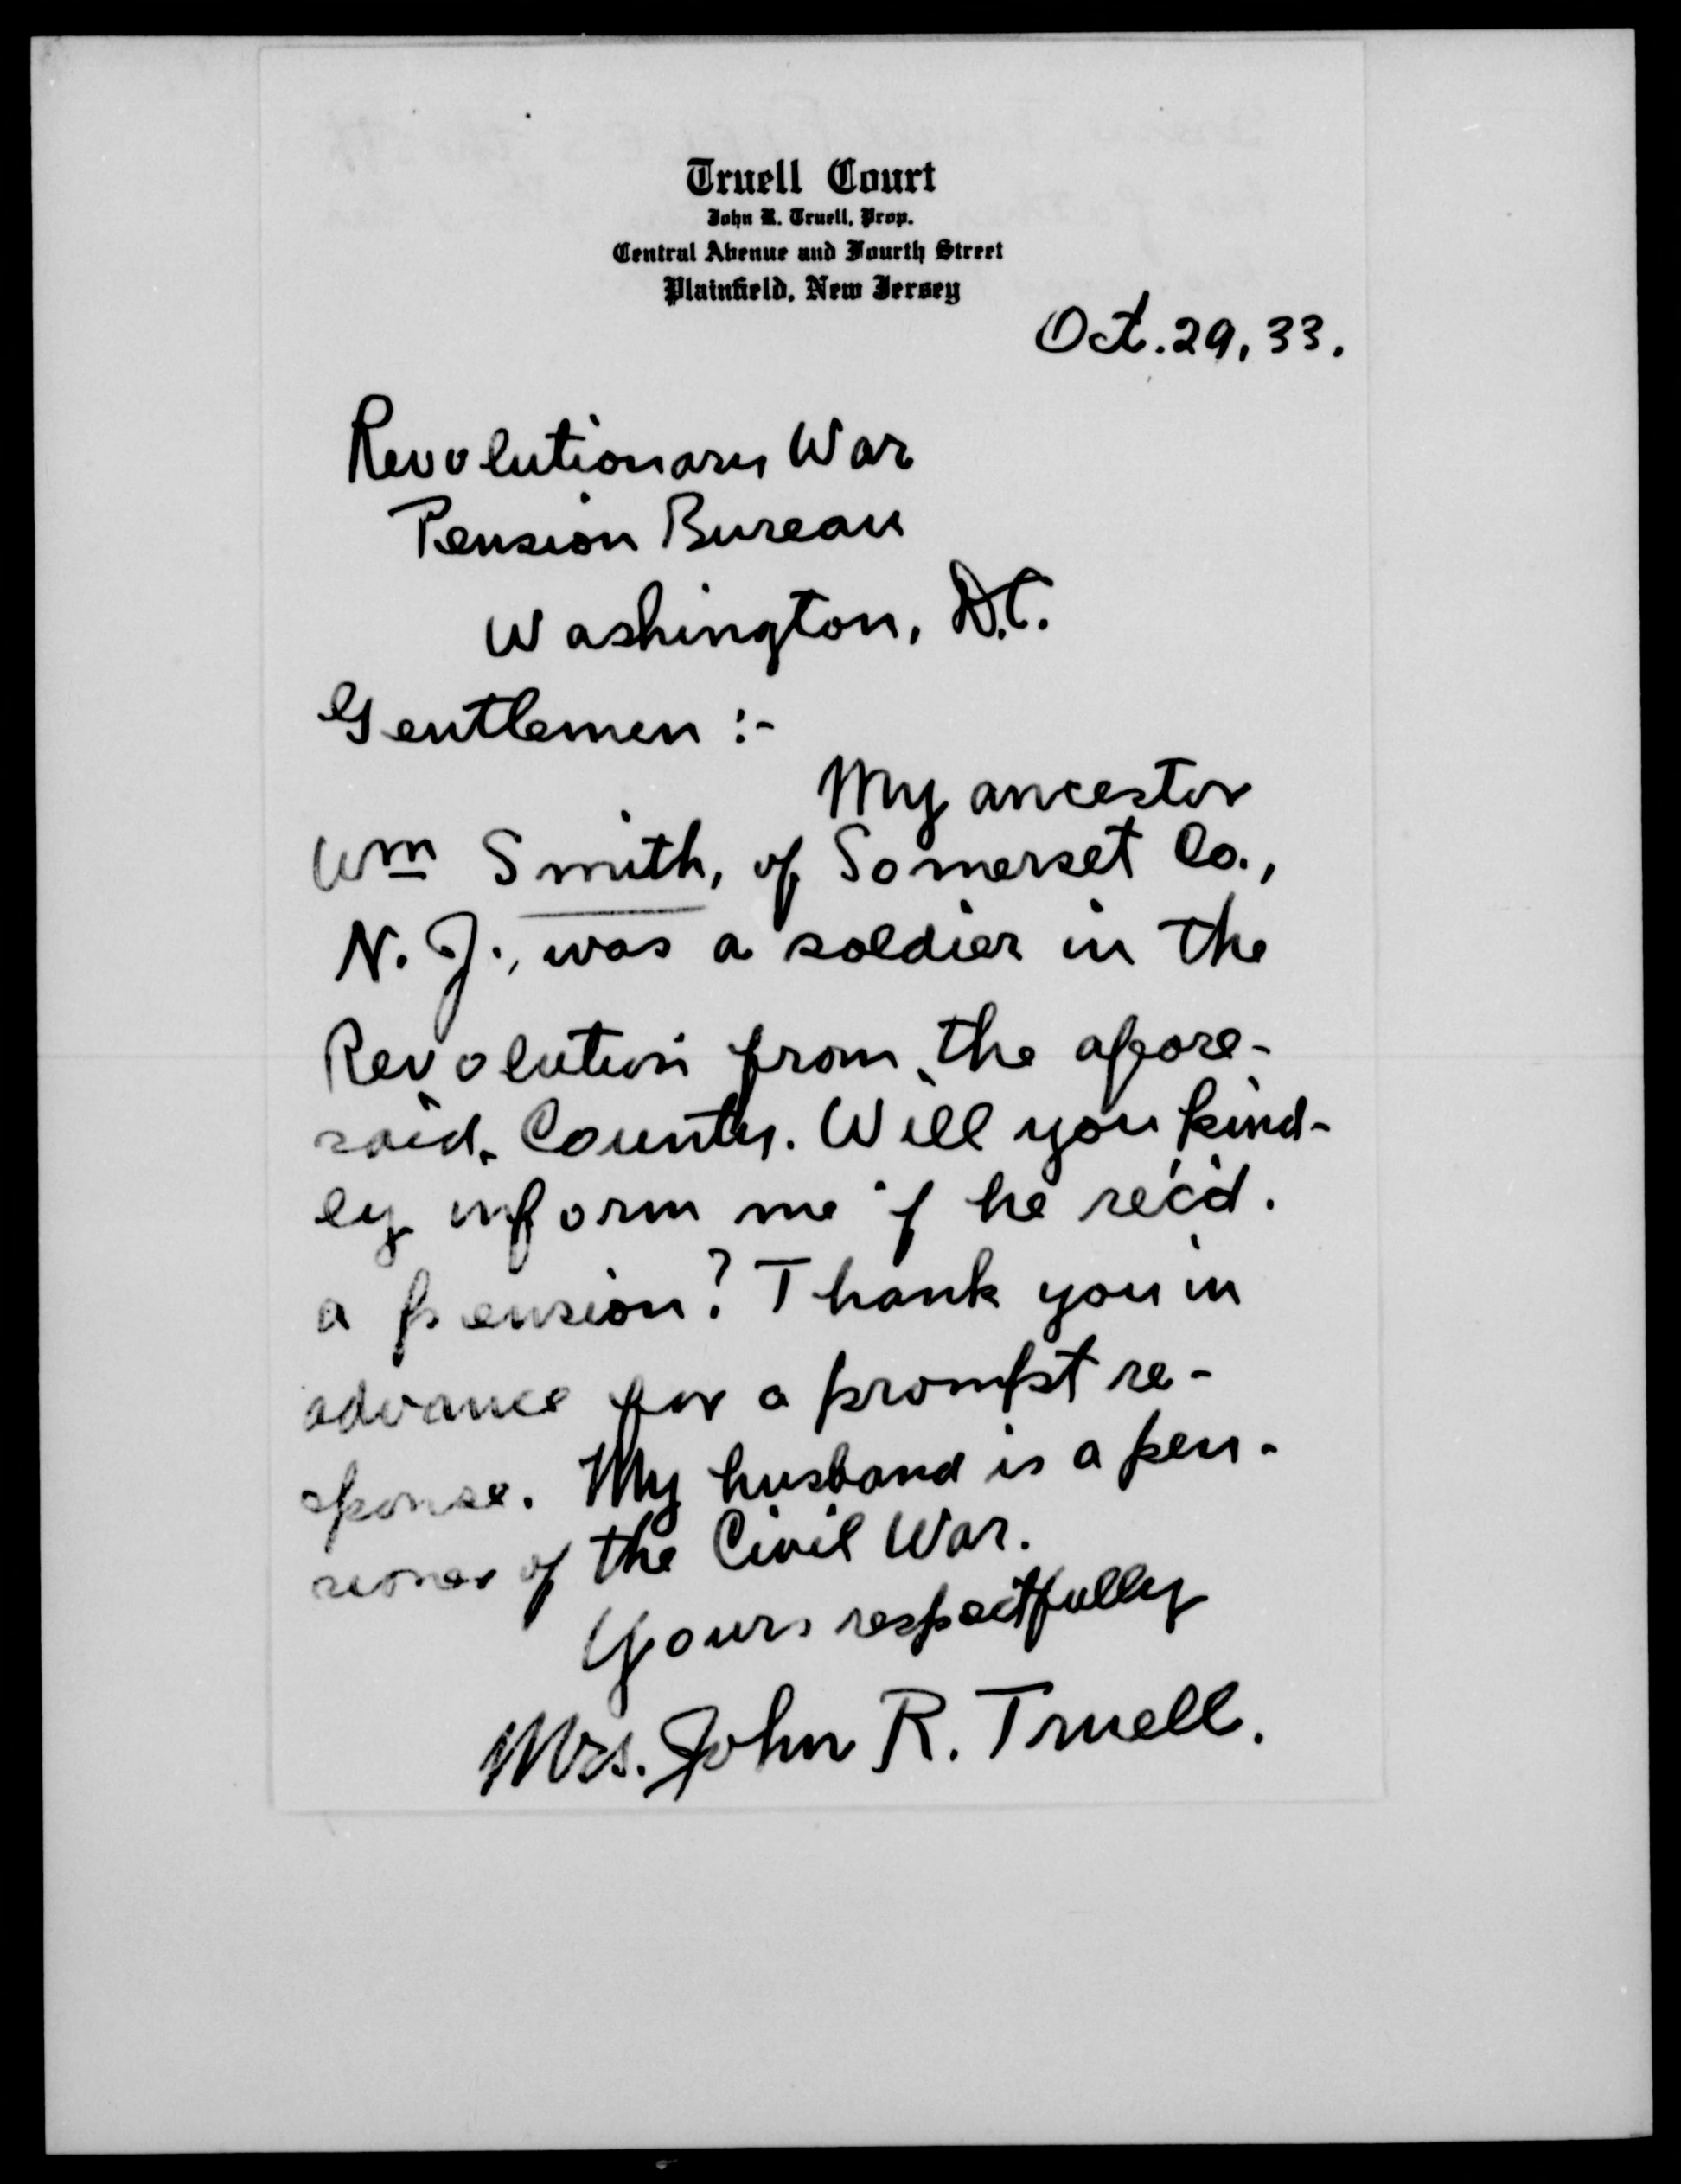Truell Court
John M. Arnell, Prop.
Central Abrung and Fourth Street
Plainfield, New Jersey

Oct. 29,33,

Revolutionary War
Peunion Bureau 
Washington, D.C.
Gentlemen:-
my ancestor Wm Smith of Somerset Co.,
A N. J. was a soldier in the
Revolution from the above said
County. Will you kindly inform me if he recd.
a pension? Thank you in
advance for a prompt response . My husband is a person of the Civil War.

Yours respectfully
Mrs. John R. Truell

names: John R Truell; John R Truell; Wm Smith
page: 19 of 27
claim: survivor's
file: S. 915, for William Smith, New Jersey